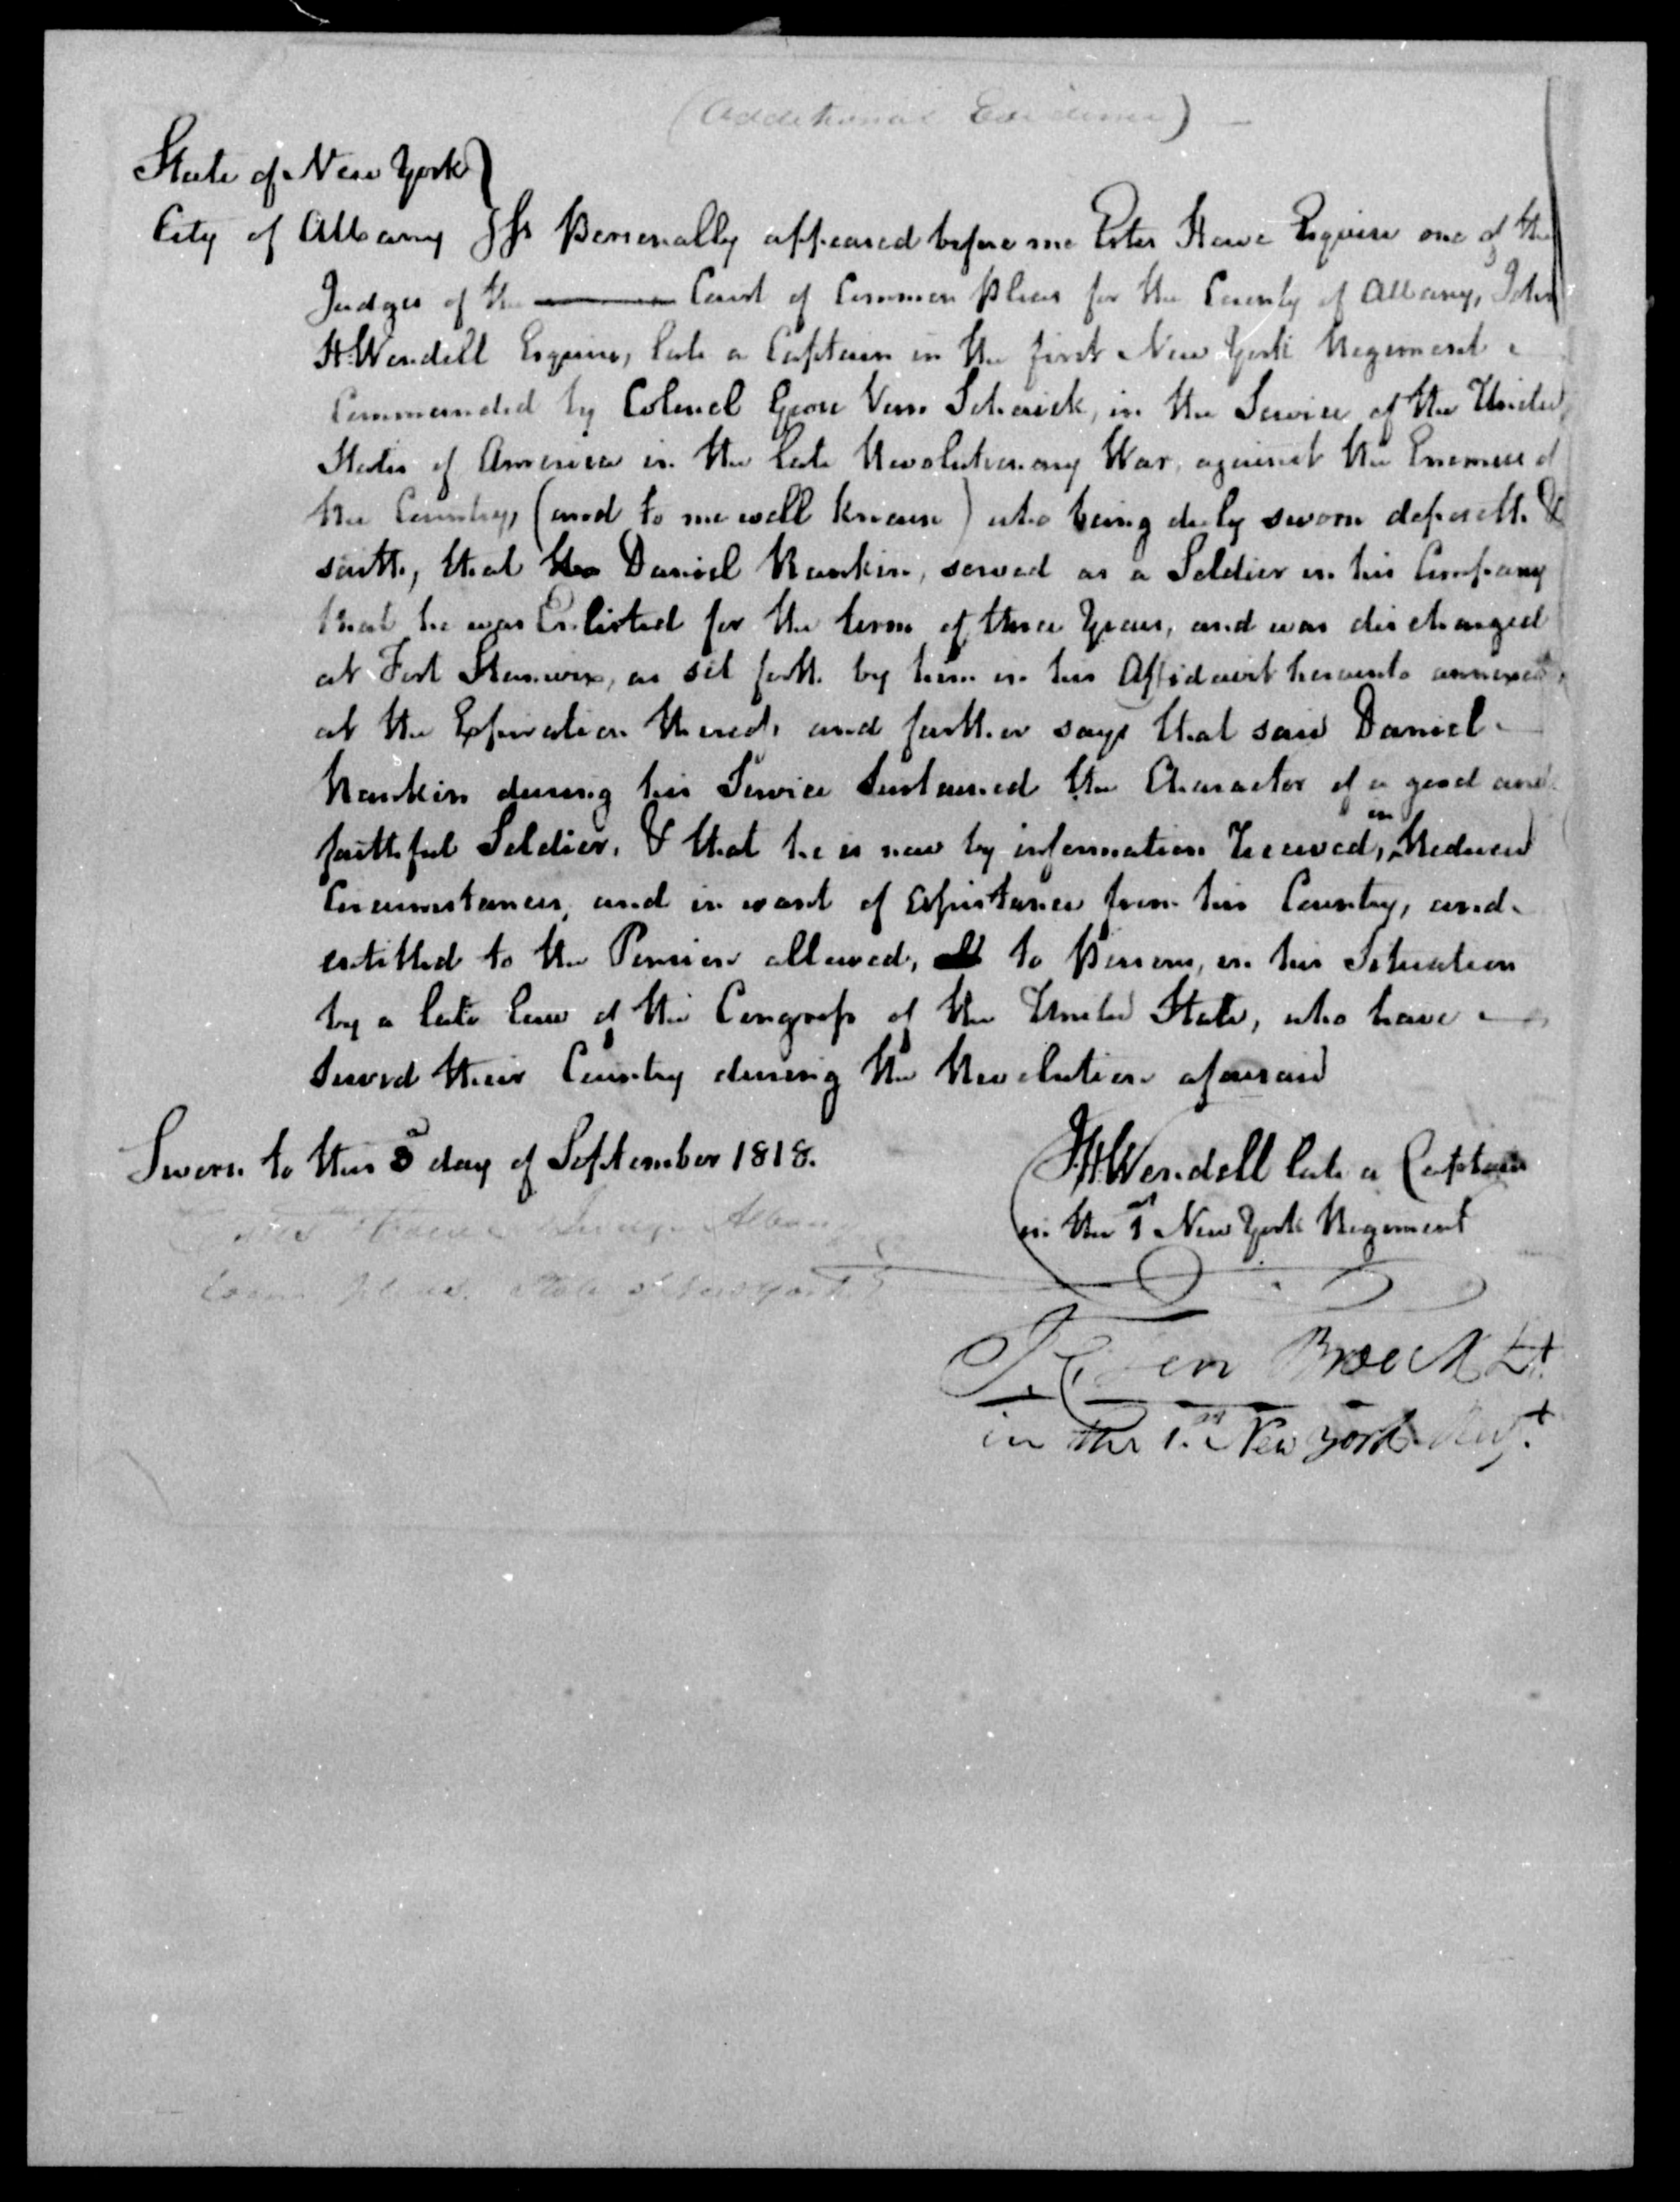(Additional evidence)
State of New York City of Albany SS
Personally appeared before me Ester Howe Esquire one of the Judges of the Court of Common Pleas for the County of Albany, John H. Wendell Esquire, late a Captain in the first New York Regiment commanded by Colonel George Van Schaick, in the Service of the United States of America in the late Revolutionary War, against the enemies of the Country (most to me well known) who being duly sworn deposeth & saith, that Daniel Rankin served as a soldier in his company that he was enlisted for the term of three years, and was discharged at Fort (illegible) as set forth, by him in his affidavit hereunto annexed, as the Confirmation whereof, and further says that said Daniel Rankin during his service sustained the character of a good and faithful soldier, & that he is now by information received, in reduced circumstances, and in want of assistance from his country, and entitled to the pension allowed to persons in his situation by a late law of the Congress of the United States, who have served their country during the Revolution aforesaid.
Sworn to this 3d day of September 1818.
J. H. Wendell late a Captain 
in the 1st New York Regiment
J. C. Len Broock Lt. 
in the 1st New York Regt.

Ester Howe Judge Albany 
Com Pleas, State of New York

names: Geore Van Schaick; Daniel Rankin; J H Wendell; J C Len Broock; John H Wendell; Daniel Rankin; Ester Howe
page: 4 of 27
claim: survivor's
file: S. 43897, for Daniel Rankin, New York